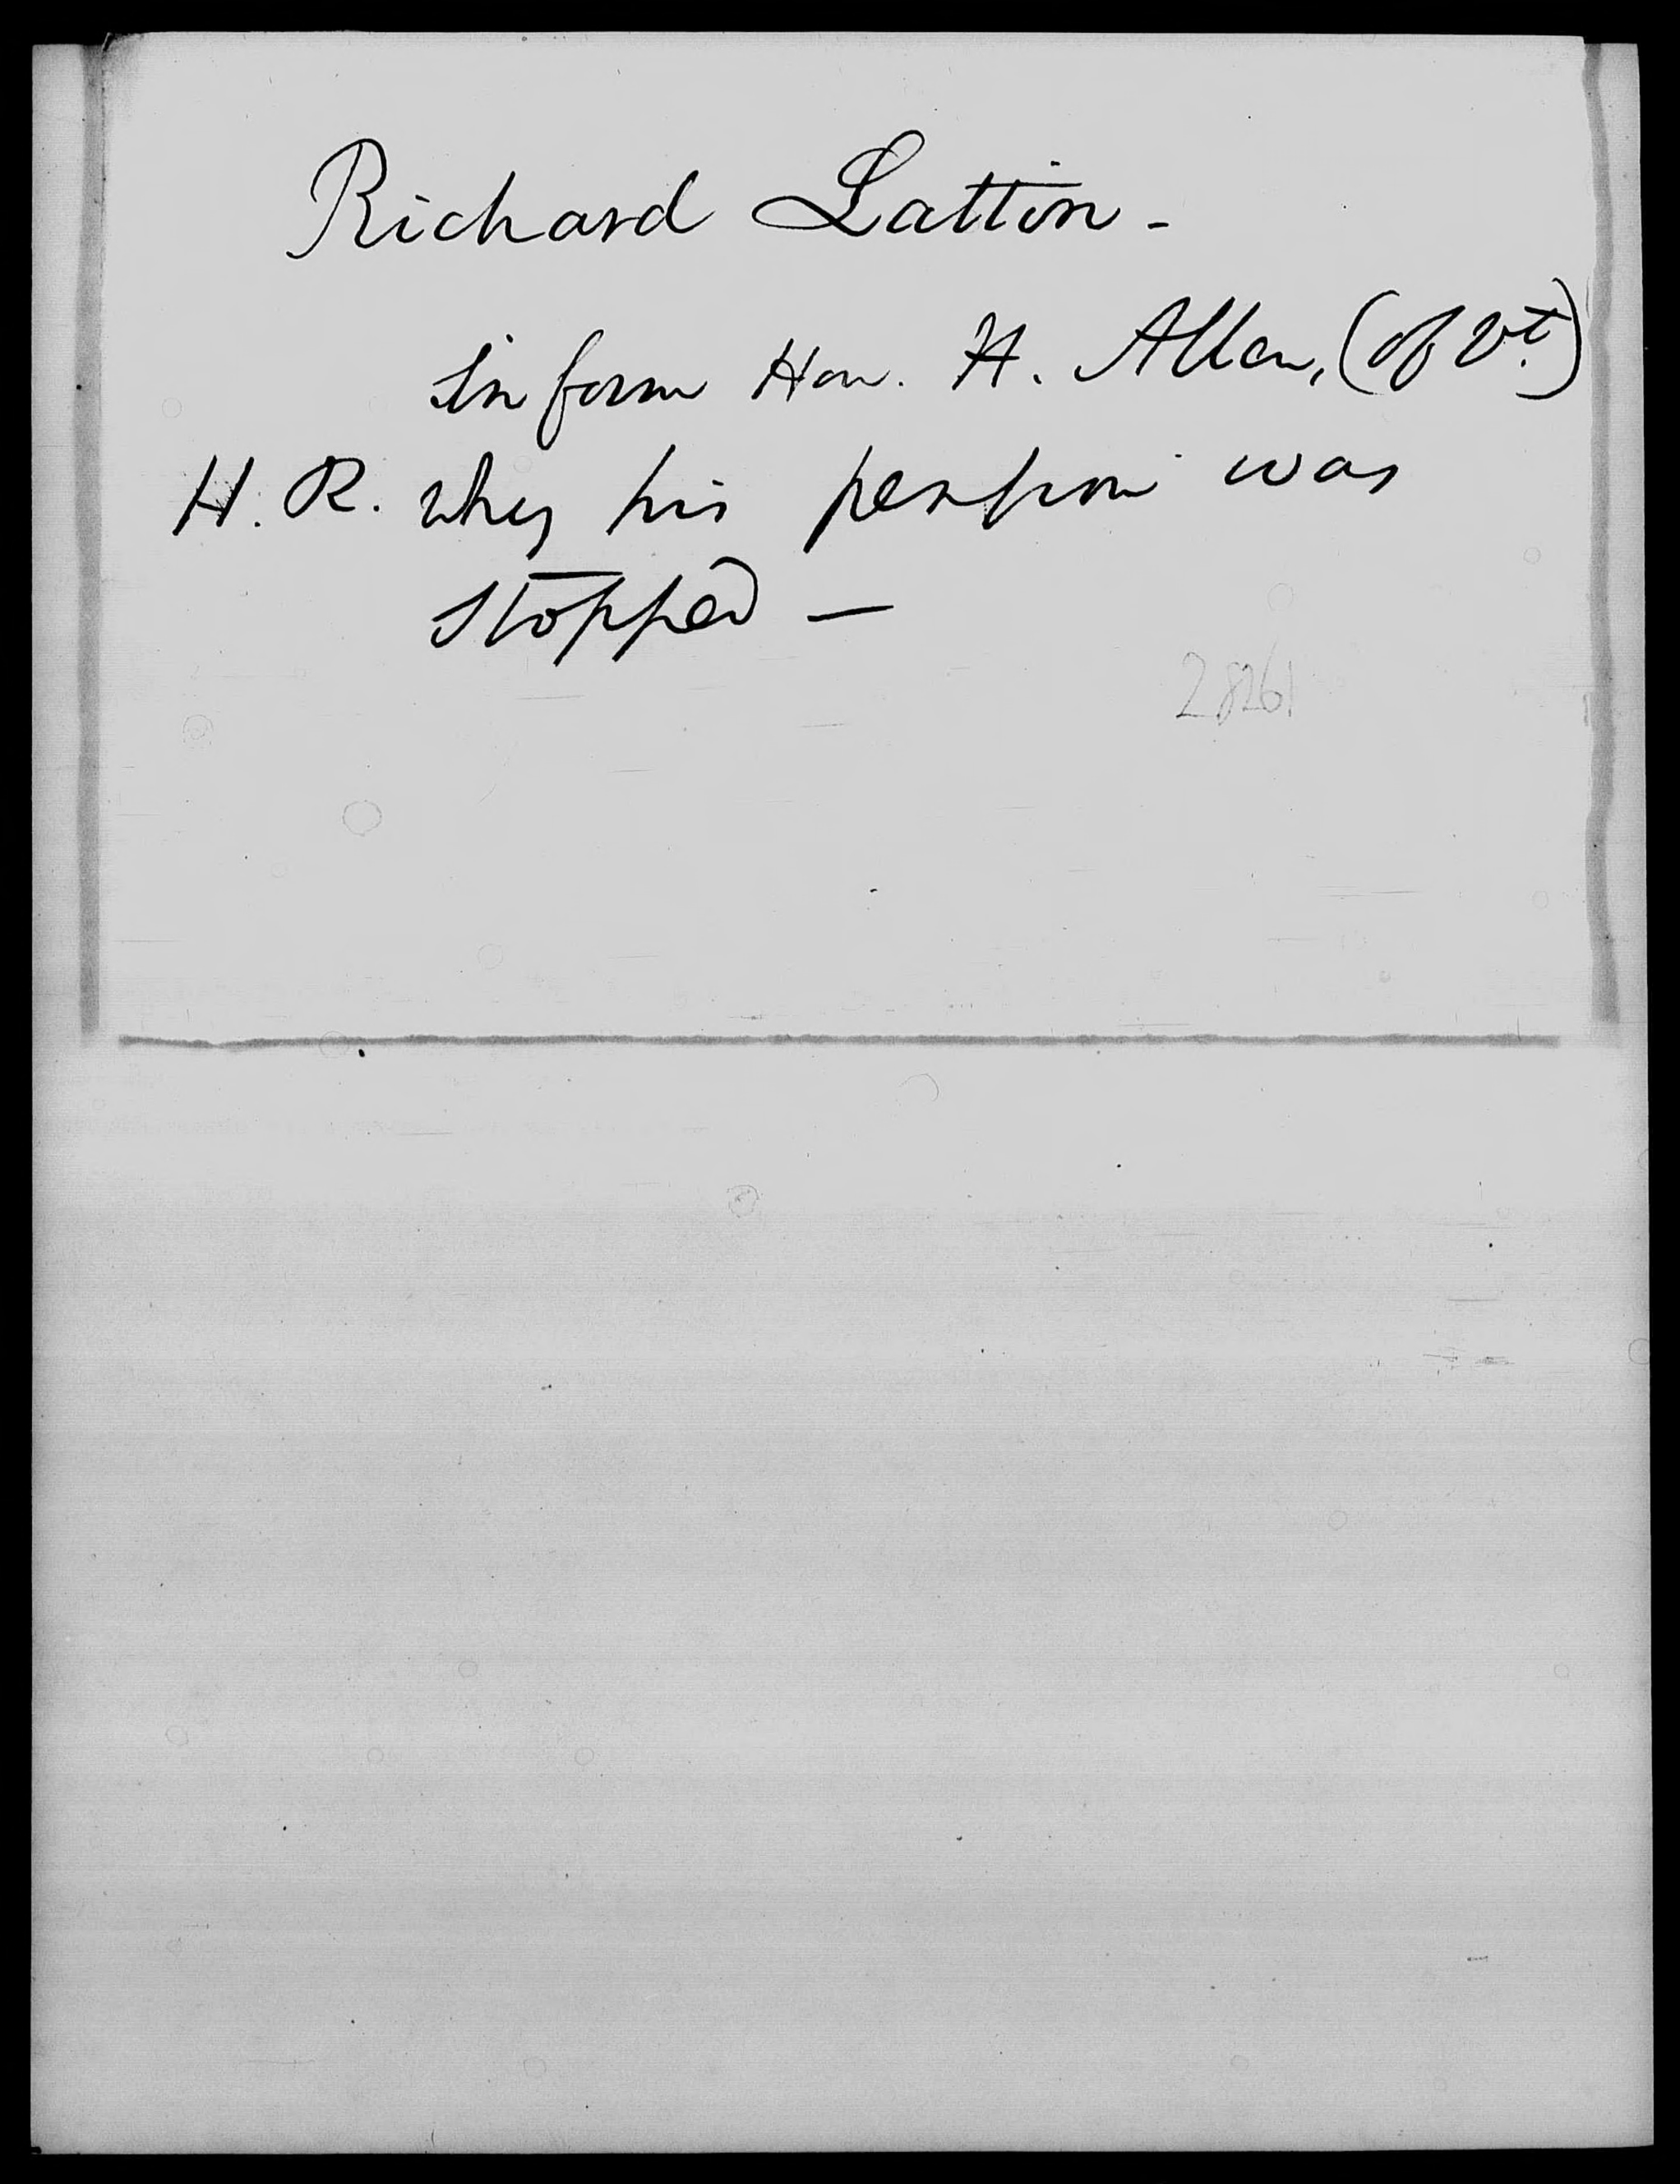Richard Lattin
Inform Hon. H. Allen, (of Vt)
H. R. why his pension was stopped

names: Richard Lattin; H Allen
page: 65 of 99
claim: widow's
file: W. 24,482, for Richard Lattin, Vermont